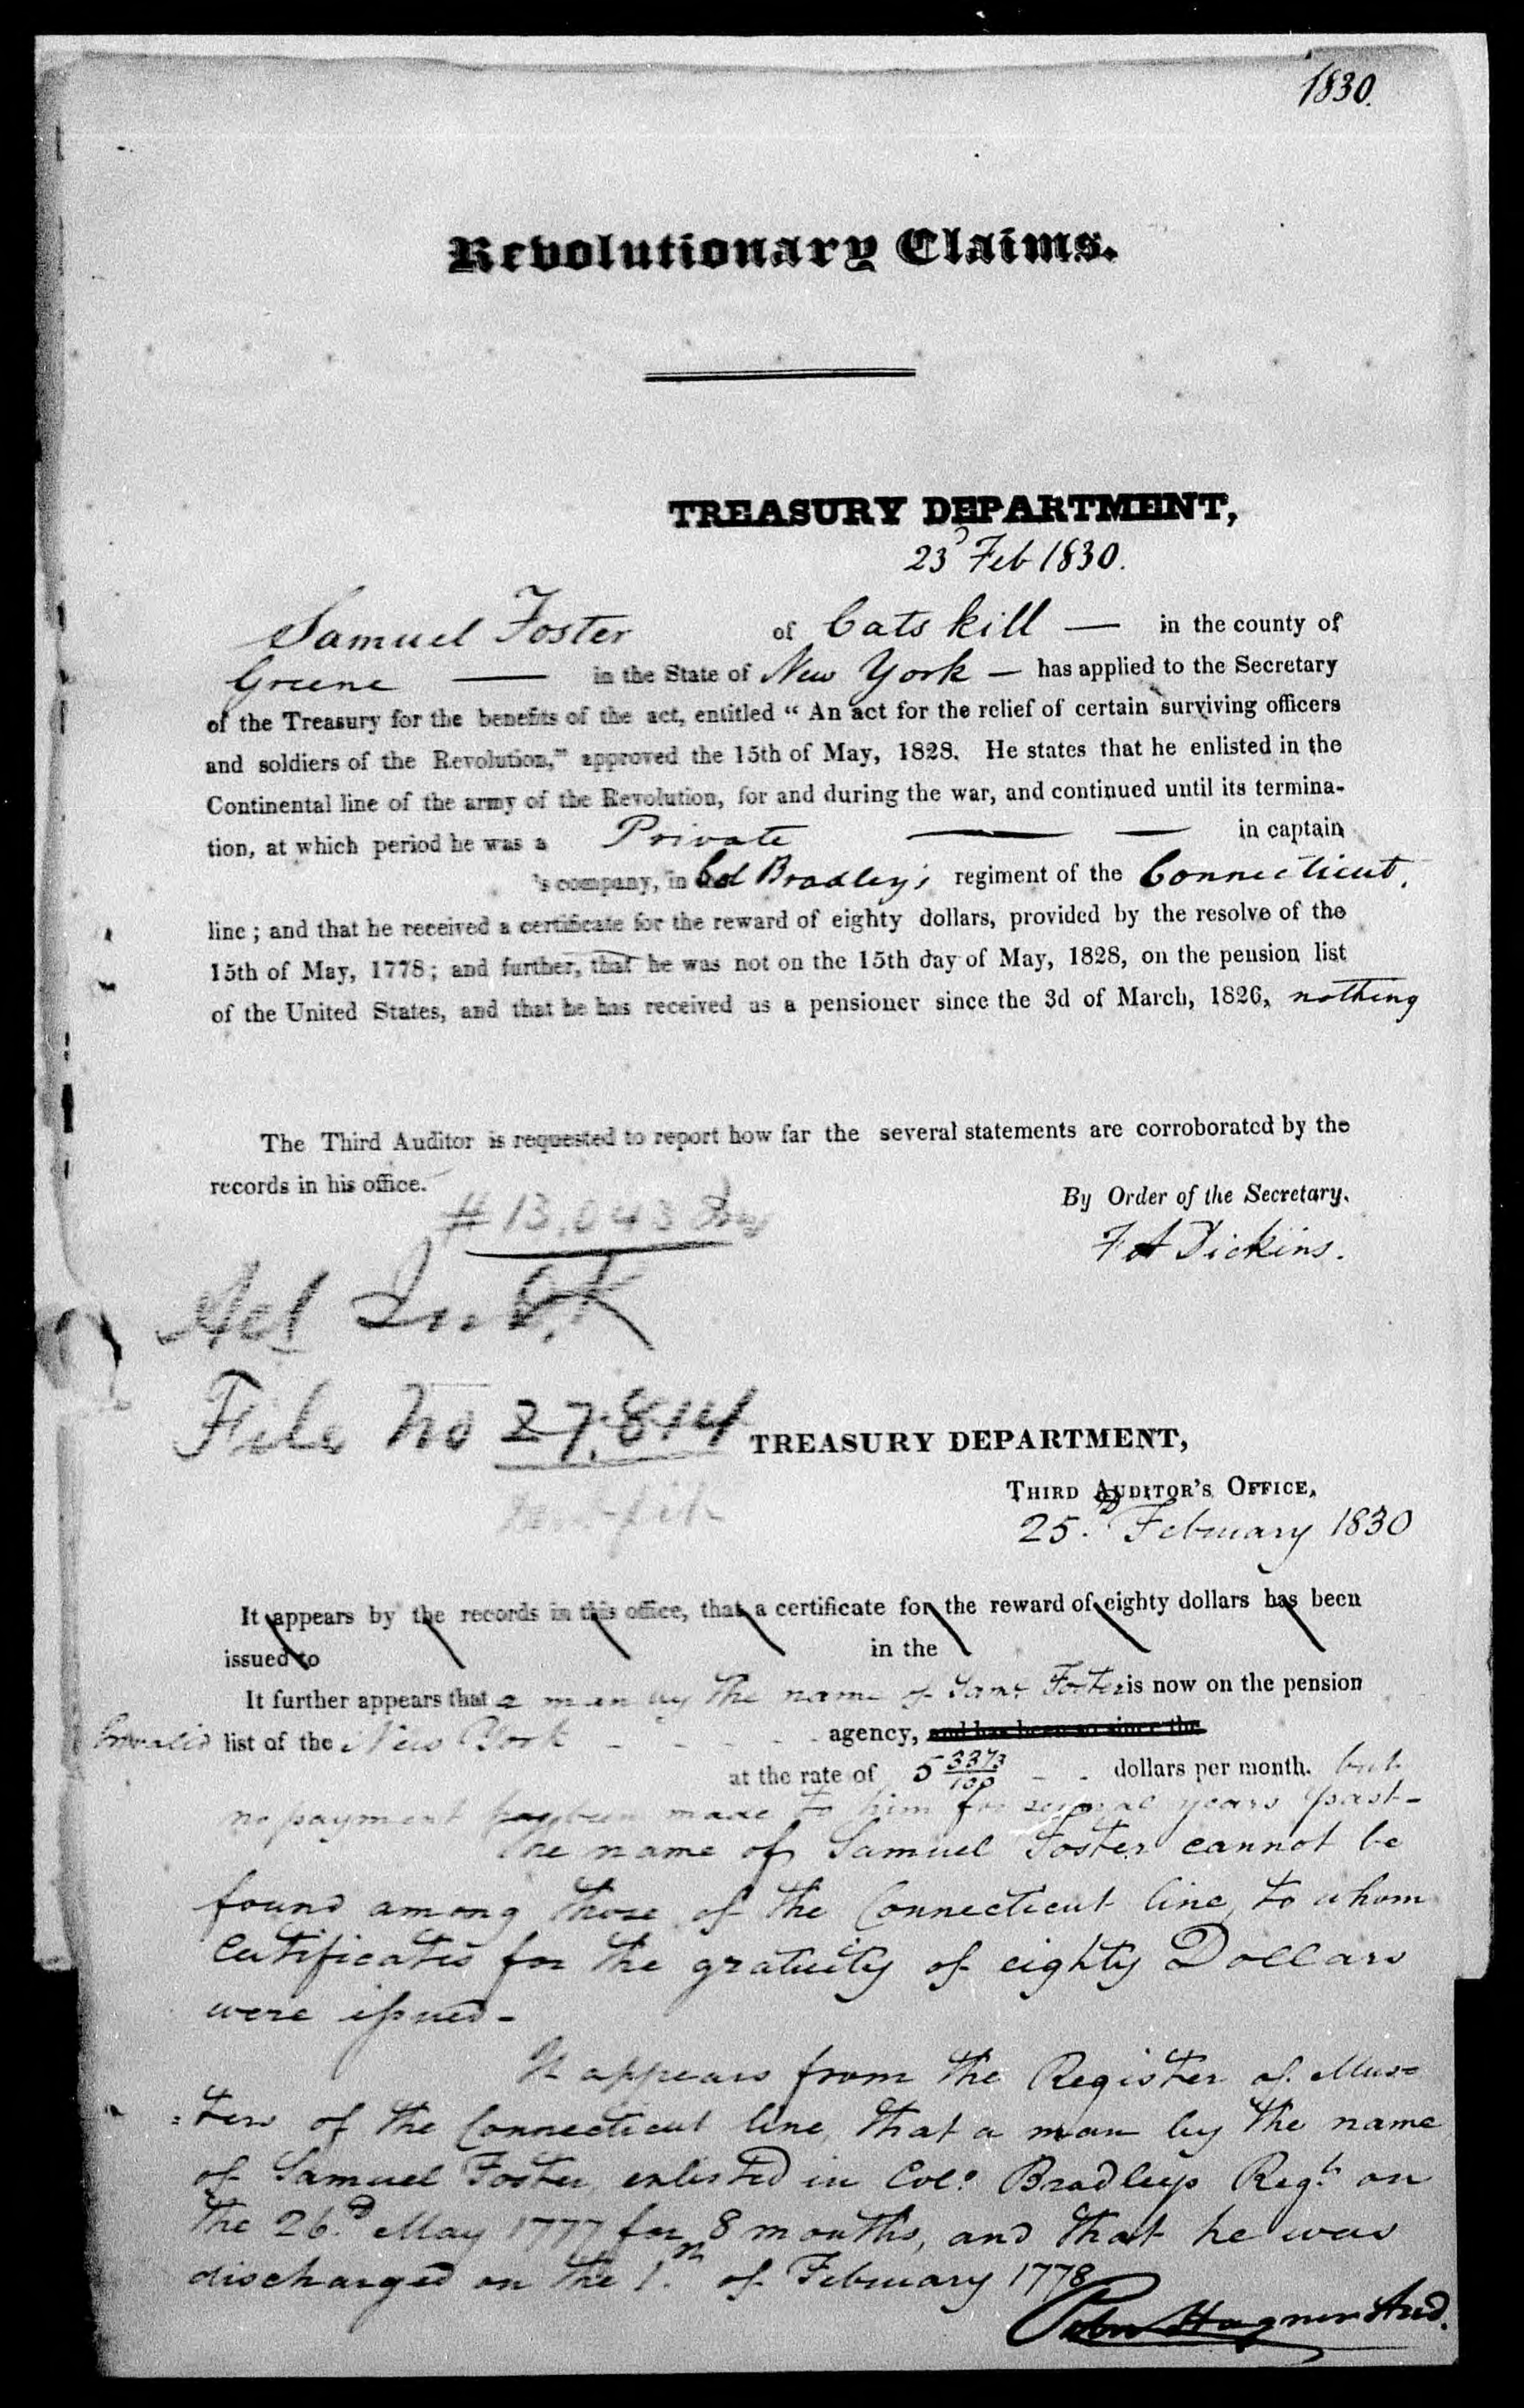Revolutionary Claims. 1830
TREASURY DEPARTMENT, 23 Feb 1830.
Samuel Foster of Catskill - in the county of Greene - in the State of New York - has applied to the Secretary of the Treasury for the benefits of the act entitled " An act for the relief of certain surviving officers and soldiers of the Revolution," approved the 15th of May, 1828. He states that he enlisted in the Continental line of the army of the Revolution, for and during the war, and continued until its termina-tion, at which period he was a Private - - in captain [blank space];s company, in Col Bradley's Regiment of the Connecticut line; and that he received a certificate for the reward of eighty dollars, provided by the resolve of the 15th of May, 1778; and further, that he was not on the 15th day of May, 1828, on the pension list of the United States, and that he has received as a pensioner since the 3d of March, 1826, nothing

The Third Auditor is requested to report how far the several statements are corroborated by the records in his office.
By Order of the Secretary, 
[signed] F A Dickins
#13.0438[illegible]
Act [illegible] O.K
File no 27.814 [illegible]
TREASURY DEPARTMENT,
THIRD AUDITOR's OFFICE, 
25th February 1830
[the following sentence has been crossed out: It appears by the records in this office, that a certificate for the reward of eighty dollars has been issued to   in the     ]
It further appears that a man by the name of Saml Foster is now on the pension [illegible] list of the New York _ _ _ _ _ agency, [words crossed out] at the rate of 5 33 1/3/100 _ _ dollars per month. but no payment has been made to him for several years past
The name of Samuel Foster cannot be found among those of the Connecticut line to whom certificates for the gratuity of eighty Dollars were issued _
It appears from the Register of  Mus=ters of the Connecticut line that a man by the name of Samuel Foster enlisted in Col. Bradleys Regt. on the 26th May 1777 for 8 months, and that he was discharged on the 1st of February 1778
[signed] Peter Hagner Aud.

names: Samuel Foster, Saml Foster, Samuel Foster, Peter Hagner, F A Dickins, Samuel Foster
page: 49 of 54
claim: survivor's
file: S. 13,043, Samuel Foster, Conn.